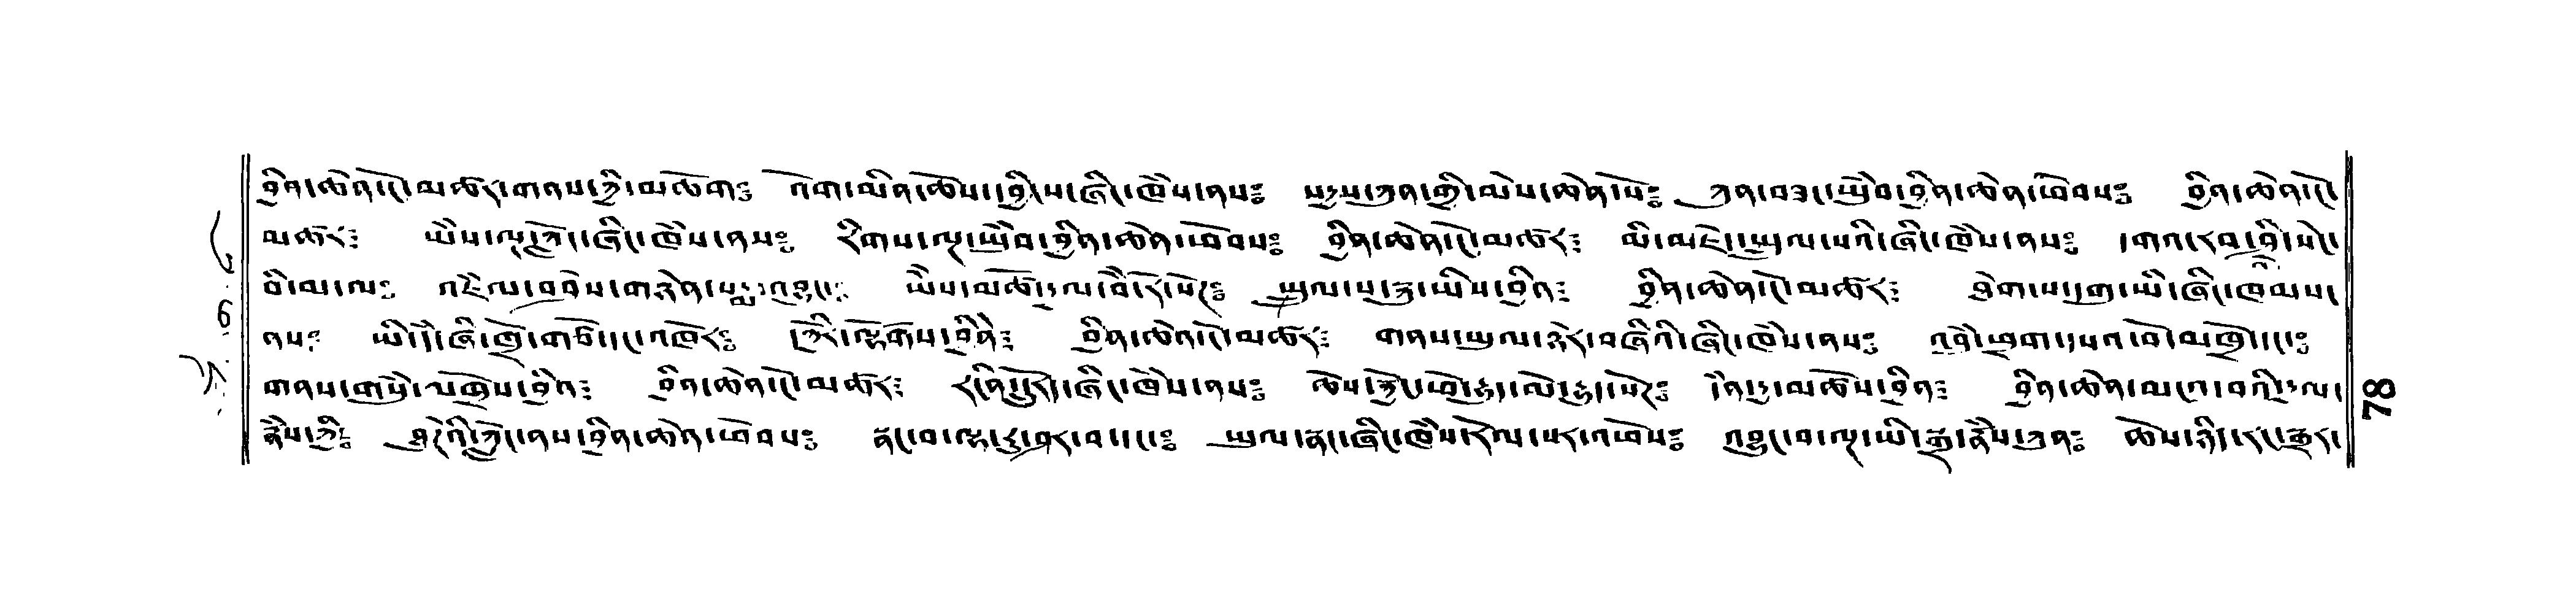བྱིན་ཆེན་ངོ་མཚར་གནས་ཀྱི་མཆོག༔ འོག་མིན་ཆོས་དབྱིངས་ཞིང་ཁམས་ནས༔ སངས་རྒྱས་ཀུན་གྱི་མེས་ཆེན་པོ༔ ཀུན་བཟང་ཡབ་ཡུམ་བྱིན་ཆེན་ཕོབས༔ བྱིན་ཆེན་ངོ་
མཚར༴ ཡེ་ཤེས་ལྔ་ཀློང་ཞིང་ཁམས་ནས༔ རིགས་ལྔ་ཡབ་ཡུམ་བྱིན་ཆེན་ཕོབས༔ བྱིན་ཆེན་ངོ་མཚར༴ མི་མཇེད་སྤྲུལ་པའི་ཞིང་ཁམས་ནས༔ དགའ་རབ་ཤྲཱི་སེང་
བཱི་མ་ལ༔ འཇམ་དཔལ་བཤེས་གཉེན་པདྨ་འབྱུང༔ ཡེ་ཤེས་མཚོ་རྒྱལ་བཻ་རོ་སོགས༔ སྤྲུལ་པ་སྐུ་ཡིས་བྱིན༴ བྱིན་ཆེན་ངོ་མཚར༴ ཐེག་པ་དགུ་ཡི་ཞིང་ཁམས་
ནས༔ ཡི་དམ་ཞི་ཁྲོ་གཙོ་དང་འཁོར༔ དཀྱིལ་འཁོར་ལྷ་ཚོགས་བྱིན་ཆེན༴ བྱིན་ཆེན་ངོ་མཚར༴ གནས་ཡུལ་ཉེར་བཞིའི་ཞིང་ཁམས་ནས༔ འབུམ་ཕྲག་དཔའ་བོ་མཁའ་འགྲོ་དང༔ 
གནས་གསུམ་མཁའ་འགྲོས་བྱིན༴བྱིན་ཆེན་ངོ་མཚར༴ རང་བཞིན་དུར་ཁྲོད་ཞིང་ཁམས་ནས༔ ཆོས་སྐྱོང་ཕོ་རྒྱུད་མོ་རྒྱུད་སོགས༔ དམ་ཅན་རྒྱ་མཚོས་བྱིན༴ བྱིན་ཆེན་མངའ་བའི་རྒྱལ་
རྣམས་ཀྱི༔ ཐུགས་རྗེའི་ཀློང་ནས་བྱིན་ཆེན་ཕེབས༔ སྣང་བ་ལྷ་རུ་ཤར་བ་དང༔ ཡུལ་སྣང་ཞིང་ཁམས་རོལ་པར་འཕོས༔ འབྱུང་བ་ལྔ་ཡི་སྒྲ་རྣམས་ཀུན༔ ཆོས་ཉིད་རང་སྒྲར་